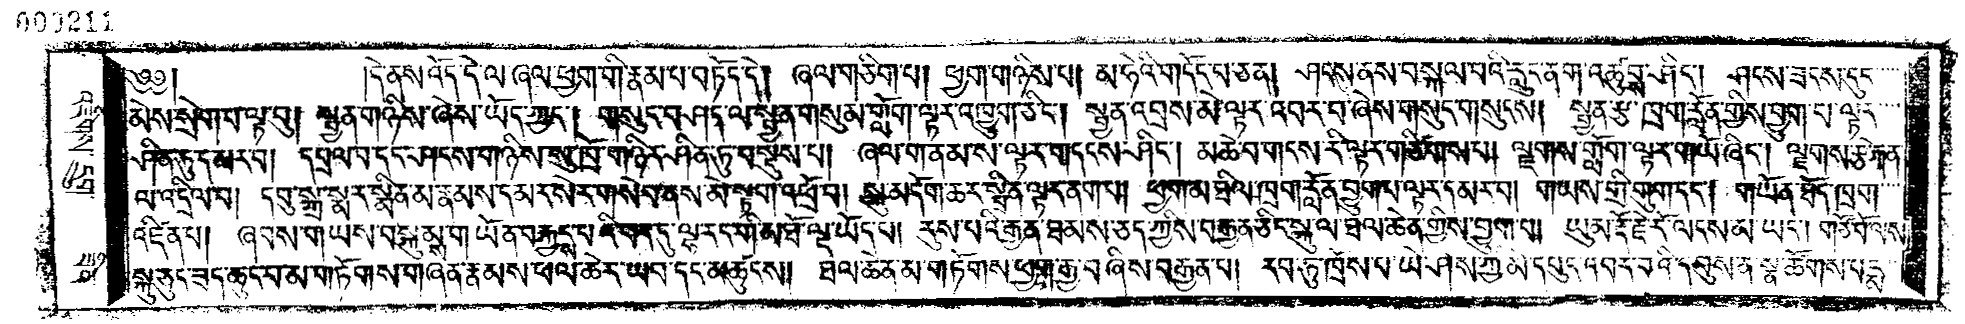༄༅། །དེ་ནས་འོད་དེ་ལ་ཞལ་ཕྱག་གི་རྣམ་པ་བཏོད་དེ། ཞལ་གཅིག་པ། ཕྱག་གཉིས་པ། མ་ཧེའི་གདོང་པ་ཅན། ཤངས་ནས་བསྐལ་བའི་རླུང་ནག་འཚུབས་ཤིང་། ཤངས་ཟངས་དུང་
མེས་སྲེག་པ་ལྟ་བུ། སྤྱན་གཉིས་ཞེས་ཡོད་ཀྱང་། གསུང་བཤད་ལ་སྤྱན་གསུམ་གློག་ལྟར་འཁྱུག་ཅིང་། སྤྱན་འབྲས་མེ་ལྟར་འབར་བ་ཞེས་གསུང་གསུངས། སྤྱན་རྩ་ཁྲག་རློན་གྱིས་བྱུག་པ་ལྟར་
ཤིན་ཏུ་དམར་བ། དཔྲལ་བ་དང་ཤངས་གཉིས་སུ་ཁྲོ་གཉིར་ཤིན་ཏུ་བསྡུས་པ། ཞལ་གནམ་ས་ལྟར་གདངས་ཤིང་། མཆེ་བ་གངས་རི་ལྟར་གཙིགས་པ། ལྗགས་གློག་ལྟར་གཡོ་ཞིང་། ལྗགས་རྩེ་རྐན་
ལ་འདྲིལ་བ། དབུ་སྐྲ་སྨ་ར་སྨིན་མ་རྣམས་དམར་སེར་གསེབ་ནས་མེ་སྟག་འཕྲོ་བ། སྐུ་མདོག་ཆར་སྤྲིན་ལྟར་ནག་པ། ཕྱག་མཐིལ་ཁྲག་རློན་བྱུག་པ་ལྟར་དམར་བ། གཡས་གྲི་གུག་དང་། གཡོན་ཐོད་ཁྲག་
འཛིན་པ། ཞབས་གཡས་བསྐུམས་གཡོན་བརྐྱངས་པའི་བར་དུ་ལྷ་རང་གི་མཐོ་ལྔ་ཡོད་པ། རུས་པའི་རྒྱན་ཐམས་ཅད་ཀྱིས་བརྒྱན་ཅིང་སྐུ་ལ་ཐལ་ཆེན་གྱིས་བྱུག་པ། ཡུམ་རྡོ་རྗེ་རོ་ལངས་མ་ཡང་། གཙོ་བོ་ལས་
སྐུ་ཅུང་ཟད་ཆུང་བ་མ་གཏོགས་གཞན་རྣམས་ཕལ་ཆེར་ཡབ་དང་མཚུངས། ཐལ་ཆེན་མ་གཏོགས་ཕྱག་རྒྱ་བཞིས་བརྒྱན་པ། རབ་ཏུ་ཁྲོས་པ་ཡེ་ཤེས་ཀྱི་མེ་དཔུང་འབར་བའི་དབུས་ན་སྣ་ཚོགས་པདམ་